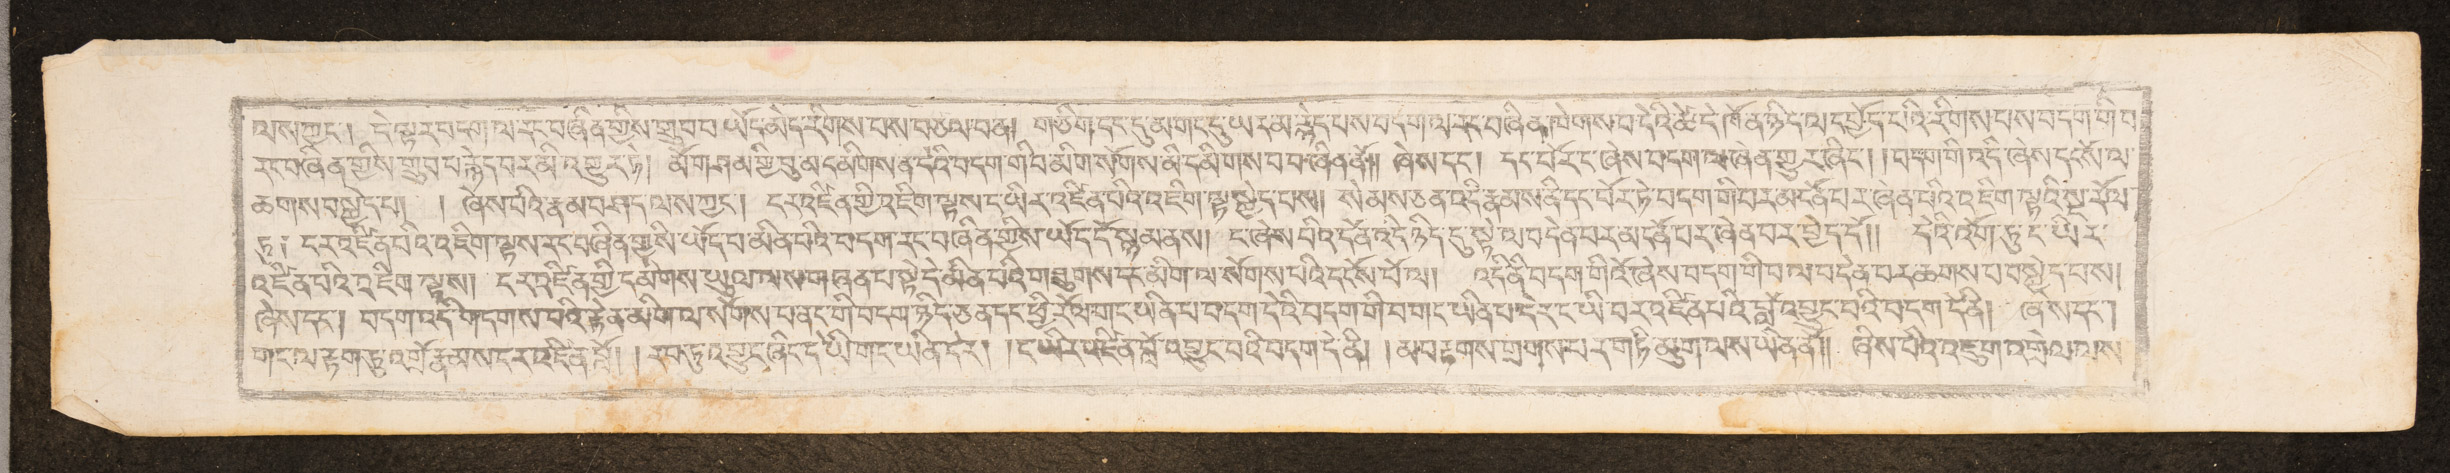ལས་ཀྱང་། དེ་ལྟར་བདག་ལ་རང་བཞིན་གྱིས་གྲུབ་པ་ཡོད་མེད་རིགས་པས་བཙལ་བ་ན། གཅིག་དང་དུ་མ་གང་དུ་ཡར་མ་རྙེད་པས་བདག་ལ་རང་བཞིན་ཁེགས་པ་དེའི་ཚེ་དེ་ཁོ་ན་ཉིད་ལ་དཔྱོད་པའི་རིགས་པས་བདག་གི་བ་
རང་བཞིན་གྱིས་གྲུབ་པ་རྙེད་པར་མི་འགྱུར་ཏེ། མོ་གཤམ་གྱི་བུ་མ་དམིགས་ན་དེའི་བདག་གི་བ་མིག་སོགས་མི་དམིགས་པ་བཞིན་ནོ། །ཞེས་དང་། དང་བོ་རང་ཞེས་བདག་ལ་ཞེན་གྱུར་ཞིང་། །བདག་གི་འདི་ཞེས་དངོས་ལ་
ཆགས་བསྐྱེད་པ། །ཞེས་པའི་རྣམ་བཤད་ལས་ཀྱང་། ངར་འཛིན་གྱི་འཇིག་ལྟས་ང་ཡིར་འཛིན་པའི་འཇིག་ལྟ་སྐྱེད་པས། སེམས་ཅན་འདི་རྣམས་ནི་བོར་ཏེ་བདག་གི་བར་མངོན་པར་ཞེན་པའི་འཇིག་ལྟའི་སྔ་རོལ་
ཏུ༑ ངར་འཛིན་པའི་འཇིག་ལྟས་རང་བཞིན་གྱིས་ཡོད་པ་མིན་པའི་བདག་རང་བཞིན་གྱིས་ཡོད་དོ་སྙམ་ནས། ང་ཞེས་པའི་དོན་འདི་ཉིད་དུ་སྟེ་ལ་བདེན་པར་མངོན་པར་ཞེན་བར་བྱེད་དོ། །དེའི་འོག་ཏུ་ང་ཡིར་
འཛིན་པའི་འཇིག་ལྟས། ངར་འཛིན་གྱི་དམིགས་ཡུལ་ལས་གཞན་པ་སྟེ་དེ་མིན་པའི་གཟུགས་དང་མིག་ལ་སོགས་པའི་དངོས་པོ་ལ། འདི་ནི་བདག་གིའོ་ཞེས་བདག་གི་བ་ལ་བདེན་པར་ཆགས་པ་བསྐྱེད་པས།
ཞེས་དང་། བདག་འདི་གདགས་པའི་རྟེན་མིག་ལ་སོགས་པ་ནང་གི་བདག་ཉིད་ཅན་དང་ཕྱི་རོལ་གང་ཡིན་པ་བདག་དེའི་བདག་གི་བ་གང་ཡིན་པ་དེར་ཡི་བར་འཛིན་པའི་བློ་འབྱུང་བའི་བདག་དེ་ནི། ཞེས་དང་།
གང་ལ་རྟག་ཏུ་འགྲོ་རྣམས་དར་འཛིན་བློ། །རབ་ཏུ་འབྱུང་ཞིང་དེ་ཡི་གང་ཡིན་དེར། །ང་ཡིར་འཛིན་བློ་འབྱུང་བའི་བདག་དེ་ནི། མ་བརྟགས་གྲགས་པར་གཏི་མུག་ལས་ཡིན་ནོ། །ཞེས་པའི་འཇུག་འགྲེལ་ལས་